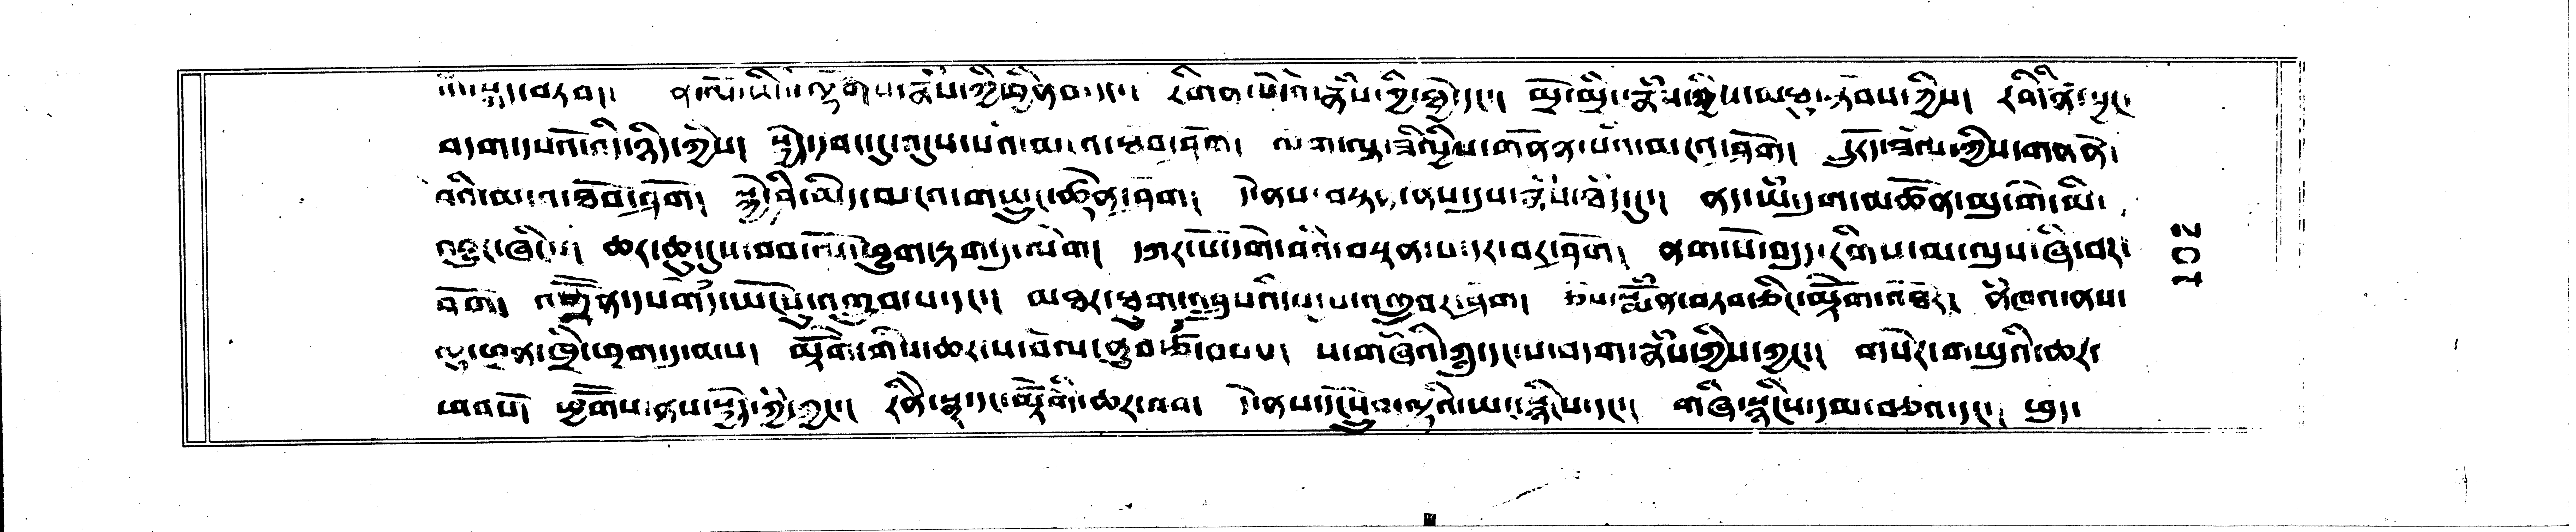འདི་སྐད་བཏབ། ན་མོ་ཡེ་ཤེས་ལྷམཚོགས་རྣམས་ཀྱི་བྱིན་རླབས་དང་། རིག་འཛིན་སེམས་དཔའ་རྣམས་ཀྱི་ཐུགས་རྗེ་དང་། མཁའ་འགྲོ་མ་སྲིང་རྣམས་ཀྱི་མཐུ་སྟོབས་ཀྱིས། རིག་འཛིན་གསང་
བདག་དཔའ་བོ་འདི་ཉིད་ཀྱིས། སྡེ་བརྒྱད་དབང་དུ་འདུས་
པའི་མངའ་ཐོབ་ཤོག སྐྱེ་ཤི་མི་མངའ་གཡུང་དྲུང་ཚེ་ལྡན་ཤོག དེ་ནས་བསྟན་ནས་དུས་རྣམས་ཐམས་ཅད་དུ། ནད་ཡམས་དུག་མཚོན་མུ་གེ་མི་
འབྱུང་ཞིང་། ཆར་ཆུ་དུས་བབས་ལོ་ཕྱུག་རྟག་ཏུ་ལེགས། དཀར་པོ་དགེ་བའི་བསྟན་པ་དར་བར་ཤོག ནག་པོ་བདུད་རིགས་མ་ལུས་ཞི་བར་
ཤོག འགྲོ་དོན་དཔག་མེད་ཡོངས་སུ་འགྲུབ་པ་དང་། མཐར་ཐུག་འབྲས་བུའི་སངས་རྒྱས་འགྲུབ་པར་ཤོག ཅེས་སྨོན་ལམ་བཏབ་ཅིང་མེ་ཏོག་འཐོར། ནམ་མཁའ་ནས་
ལྷ་ཕྲན་ཁྲི་ཕྲག་དུ་མས། མེ་ཏོག་གི་ཆར་པ་བོལ་ནུབ་ཙམ་བབས། ས་གཞིའི་ཀླུ་དང་ས་བདག་རྣམས་ཀྱིས་ཀྱང་། གསེར་གཡུའི་ཆར་
ཕབས་སོ། ཕྱོགས་ཕྱོགས་ནས་སྡེ་བརྒྱད་ཀྱིས་ཀྱང་། རིན་ཆེན་སྒྲ་དང་མེ་ཏོག་གི་ཆར་བབས། དེ་ནས་དངོས་གྲུབ་ལྷའི་ཡང་སྙིང་དང་། གཞི་སྙིང་དམ་བཅའ་དང་། ཕུད་